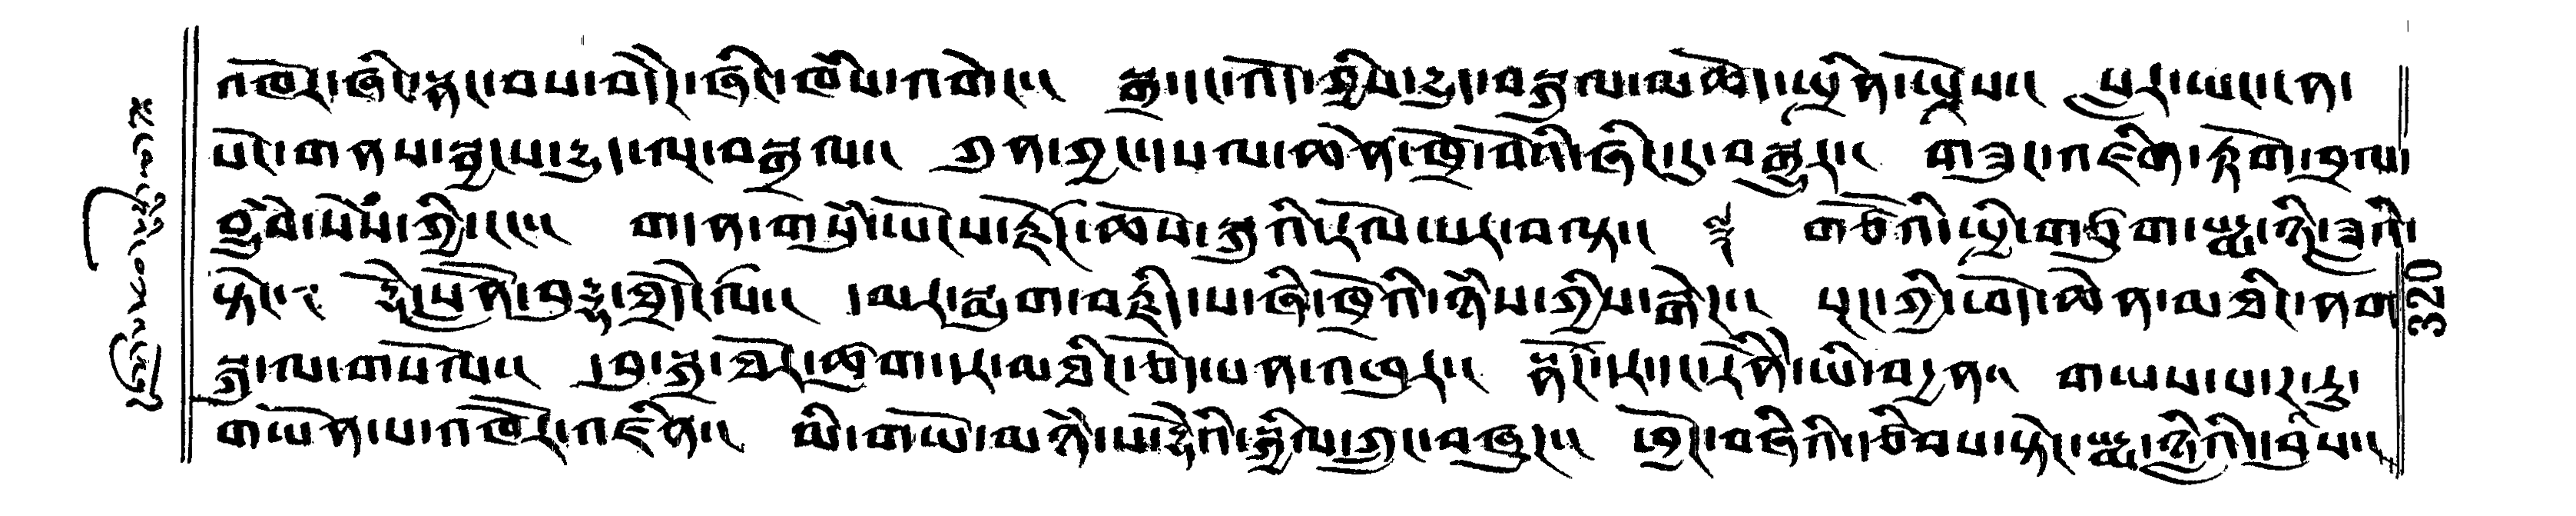།འཁོར་ཞིང་སྣང་བས་བདེ་གཤེགས་ཞིང་ཁམས་འགེངས། །སྒྲ་དང་འོད་ཀྱིས་རྒྱུད་བསྐུལ་མཆོད་སྤྲིན་སྤྲོས། །སླར་ཡང་ངན་
སོང་གནས་སྦྱངས་རྒྱུད་ལྔ་བསྒྲལ། །ཀུན་ཀྱང་དཔལ་ཆེན་ཁྲོ་བོའི་ཞིང་དུ་བསྒྱུར། །གཟུང་འཛིན་རྟོག་བྲལ་
བྱང་ཆུབ་སེམས་ཀྱི་ངང་། །གདན་གསུམ་ཡོངས་རྫོགས་ཆོས་སྐུའི་རོལ་པར་བལྟ། །གཙོ་བོའི་སྤྱི་གཙུག་པདྨ་ཉི་ཟླའི་
སྟེང་། །རྡོ་རྗེ་སློབ་དཔོན་བུདྷ་ཐོད་ཕྲེང་རྩལ། །དམར་སྨུག་བརྗིད་པ་ཞི་ཁྲོའི་ཉམས་ཀྱིས་སྒེག །སྔགས་ཀྱི་ཕོད་ཆེན་མཐིང་ནག་
སྐུ་ལ་གསོལ། །དབུ་སྐྲ་ཐོར་ཚུགས་དར་མཐིང་ཅོད་པན་འཕུར། །སྣ་ཚོགས་དར་དང་རིན་པོ་ཆེ་ཡིས་བརྒྱན། །གཡས་པ་ཌཱ་རུ་
གཡོན་པས་འཁོར་ལོ་འཛིན། །མི་གཡོ་མཉམ་པ་རྡོ་རྗེའི་སྐྱིལ་ཀྲུང་བཞུགས། །ཕྱོགས་བཞིའི་རྩིབས་སྟེང་པདྨ་ཉི་ཟླའི་དབུས།